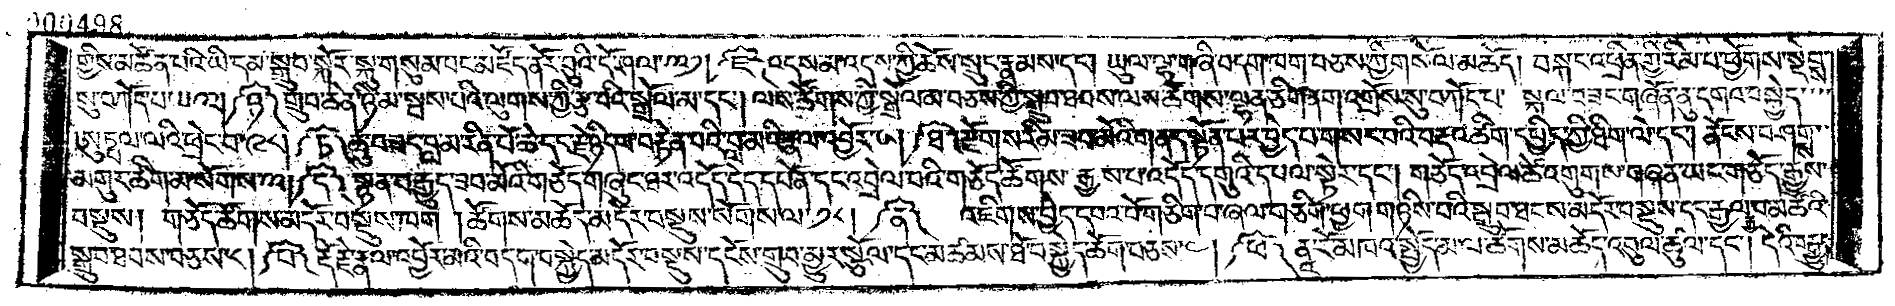གྱིས་མཚོན་པའི་ཡི་དམ་སྒྲུབ་སྐོར་སྐུ་གསུམ་བང་མཛོད་ནོར་བུའི་དོ་ཤལ ༣༡། ༼ཇ༽ འདས་མ་འདས་ཀྱི་ཆོས་སྲུང་རྣམས་དང་། ཡུལ་ལྷ་གཞི་བདག་ཁག་བཅས་ཡི་གསོལ་མཆོད། བསྐང་འཕྲིན་གྱི་རིམ་པ་ཕྱོགས་སྡེགས་
སུ་བཀོད་པ ༥༣། གྲུབ་ཆེན་ཉི་མ་སྦས་པའི་ལུགས་ཀྱི་རྩ་བའི་སྒྲོལ་མ་དང་། ལས་ཚོགས་ཀྱི་སྒྲོལ་མ་བཅས་ཀྱི་སྒྲུབ་ཐབས་ལས་ཚོགས་ལྷན་ཅིག་ནག་འགྲོས་སུ་བཀོད་པ་སྐལ་བཟང་གཞོན་ནུ་དགའ་བསྐྱེད་
ཨུཏྤལ་ལའི་ཕྲེང་བ ༩༨། ༼ཏ༽ ཆུ་བཟང་བླ་མ་རིན་པོ་ཆེ་དང་རྗེ་ཉིད་ལ་བརྟེན་པའི་བླ་མའི་རྣལ་འབྱོར ༦། ༼ཐ༽ རྫོགས་རིམ་ཟབ་མོའི་གནད་སྟོན་པར་བྱེད་པ་གསང་བའི་བརྡའ་ཚིག་དཔྱིད་ཀྱི་ཐིག་ལེ་དང་། ནོངས་བཤགས་
མགུར་ཚིག་མ་སོགས ༣། ༼ད༽ སྙན་བརྒྱུད་ཟབ་མོའི་གཅོད་གཞུང་ཐར་འདོད་དེད་དཔོན་དང་འབྲེལ་བའི་གཅོད་ཚོགས་རྒྱས་པ་འདོད་དགུའི་དཔལ་སྟེར་དང་། གཅོད་འབྲེལ་ཚེ་འགུགས་གཞན་ཡང་གཅོད་རྒྱས་
བསྡུས། གཅོད་ཚོགས་མདོར་བསྡུས་ཁག །ཚོགས་མཆོད་མདོར་བསྡུས་སོགས་ལ ༡༨། ༼ན༽ འཇིགས་བྱེད་དཔའ་བོ་གཅིག་པ་ཞལ་གཅིག་ཕྱག་གཉིས་པའི་སྒྲུབ་ཐངས་མདོར་བསྡུས་དང་རྒྱལ་རྒྱ་བ་མཚོའི་
སྒྲུབ་ཐབས་བཅས༨། ༼པ༽ རྡོ་རྗེ་རྣལ་འབྱོར་མའི་བདག་བསྐྱེད་མདོར་བསྡུས་དངོས་གྲུབ་མྱུར་སྩོལ་དང་མཚམས་ཐོ་བསྐྱེད་ཆོག་བཅས ༤། ༼ཕ༽ ནཱ་རོ་མཁའ་སྤྱོད་མ་ལ་ཚོགས་མཆོད་འབུལ་ཚུལ་དང་། དེའི་བརྒྱུད་